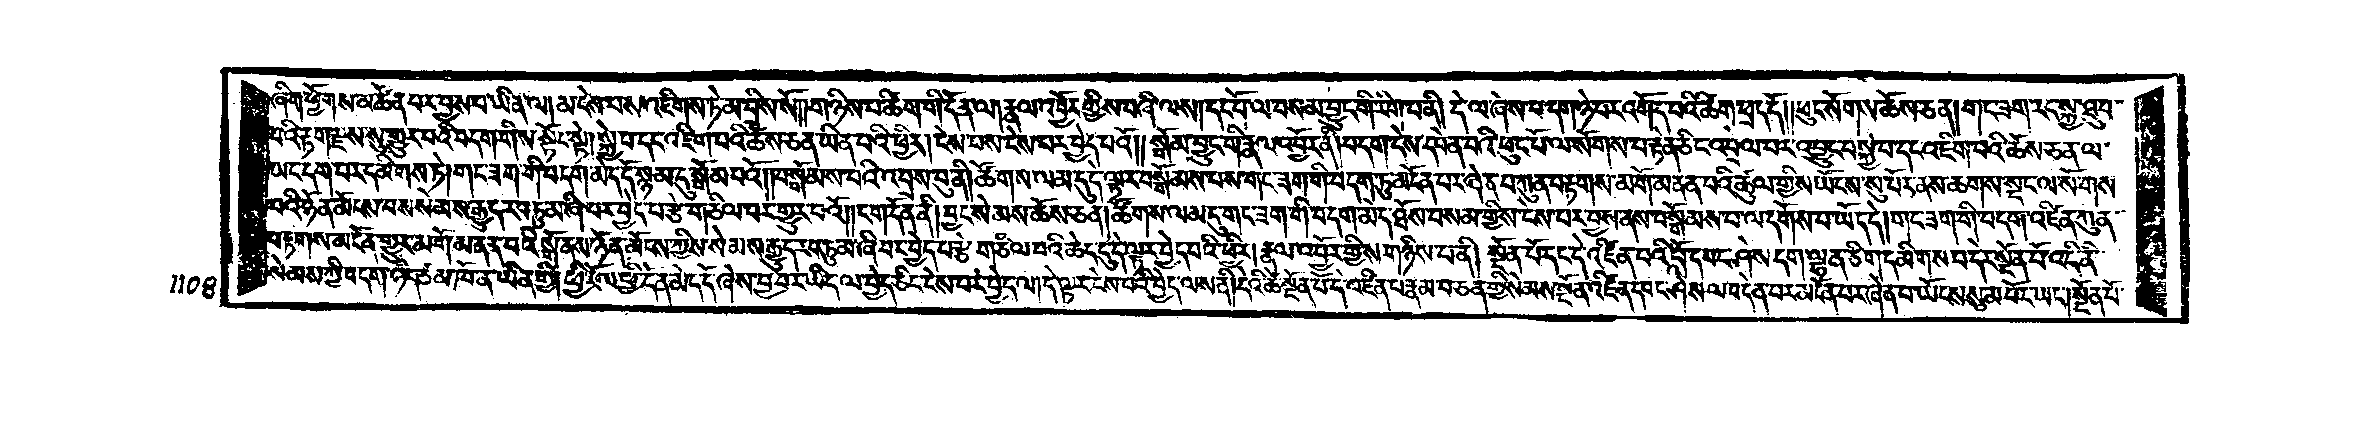ཞིག་ཕྱོགས་མཚོན་པར་བྱས་པ་ཡིན་ལ། མ་ངེས་པས་འཇིགས་ཏེ་མ་བྲིས་སོ། །གཉིས་པ་ཚིག་གི་དོན་ལ། རྣལ་འབྱོར་གྱིས་བཞི་ལས། དང་པོ་ལ་བསམ་བྱུང་གི་རིག་པ་ནི། དེ་ལ་ཞེས་པ་དག་ཉེ་བར་འགོད་པའི་ཚིག་ཕྲད་དོ། །ཕུང་སོགས་ཆོས་ཅན། གང་ཟག་རང་སྐྱ་ཐུབ་
པའི་རྟག་རྫས་སུ་གྱུར་བའི་བདག་གིས་སྟོང་སྟེ། སྐྱེ་བ་དང་འཇིག་པའི་ཆོས་ཅན་ཡིན་པའི་ཕྱིར། ངེས་པས་ངེས་པར་བྱེད་པའོ། །སྒོམ་བྱུང་གི་རྣལ་འབྱོར་ནི། བདག་དེས་དབེན་པའི་ཕུང་པོ་ལ་སོགས་པ་རྟེན་ཅིང་འབྲེལ་བར་འབྱུང་བ་སྐྱེ་བ་དང་འཇིག་བའི་ཆོས་ཅན་ལ་
ཡང་དག་པར་དམིགས་ཏེ། གང་ཟག་གི་བདག་མེད་དོ་སྙམ་དུ་སྒོམ་པའོ། །བསྒོམས་པའི་འབྲས་བུ་ནི། ཚོགས་ལམ་དུ་དེ་ལྟར་བསྒོམས་པས་གང་ཟག་གི་བདག་ཏུ་མངོན་པར་ཞེན་པ་ཀུན་བརྟགས་མགོ་མནན་པའི་ཚུལ་གྱིས་ཡོངས་སུ་བོར་ནས་ཆགས་སྡང་ལ་སོགས་
པའི་ཉོན་མོངས་པས་སེམས་རྒྱུད་རབ་ཏུ་མ་ཞི་བར་བྱེད་པ་རྩེ་གཅིལ་བར་གྱུར་བའོ། །ངག་དོན་ནི། བྱང་སེམས་ཆོས་ཅན། ཚོགས་ལམ་དུ་གང་ཟག་གི་བདག་མེད་ཐོས་བསམ་གྱིས་ངེས་པར་བྱས་ནས་བསྒོམས་བ་ལ་དགོས་པ་ཡོད་དེ། གང་ཟག་གི་བདག་འཛིན་ཀུན་
བརྟགས་མངོན་གྱུར་མགོ་མནན་པའི་སྒོ་ནས་ཉོན་མོངས་ཀྱིས་སེམས་རྒྱུད་རབ་ཏུ་མ་ཞི་བར་བྱེད་པ་རྩེ་གཅིལ་བའི་ཆེད་དུ་དེ་ལྟར་བྱེད་པའི་ཕྱིར། རྣལ་འབྱོར་གྱི་ས་གཉིས་པ་ནི། སྔོན་པོ་དང་དེ་འཛིན་པའི་བློ་དབང་ཤེས་དག་ལྷན་ཅིག་དམིགས་པ་དེར་སྔོན་པོ་འདི་ནི་
སེམས་ཀྱི་བདག་ཉིད་ཙམ་ཁོ་ན་ཡིན་གྱི། ཕྱི་རོལ་ཕྱི་དོན་མེད་དོ་ཞེས་བྱ་བར་ཡིད་ལ་བྱེད་ཅིང་ངེས་པར་བྱེད་ལ། དེ་ལྟར་ངེས་པའི་བྱེད་ལས་ནི། དེའི་ཚེ་སྔོན་པོ་དེ་འཛིན་པ་རྣམ་པ་ཅན་གྱི་སེམས་སྔོན་འཛིན་དབང་ཤེས་ལ་བདེན་བར་མངོན་པར་ཞེན་པ་ཡོངས་སུ་མ་བོར་ཡང་། སྔོན་པོ་